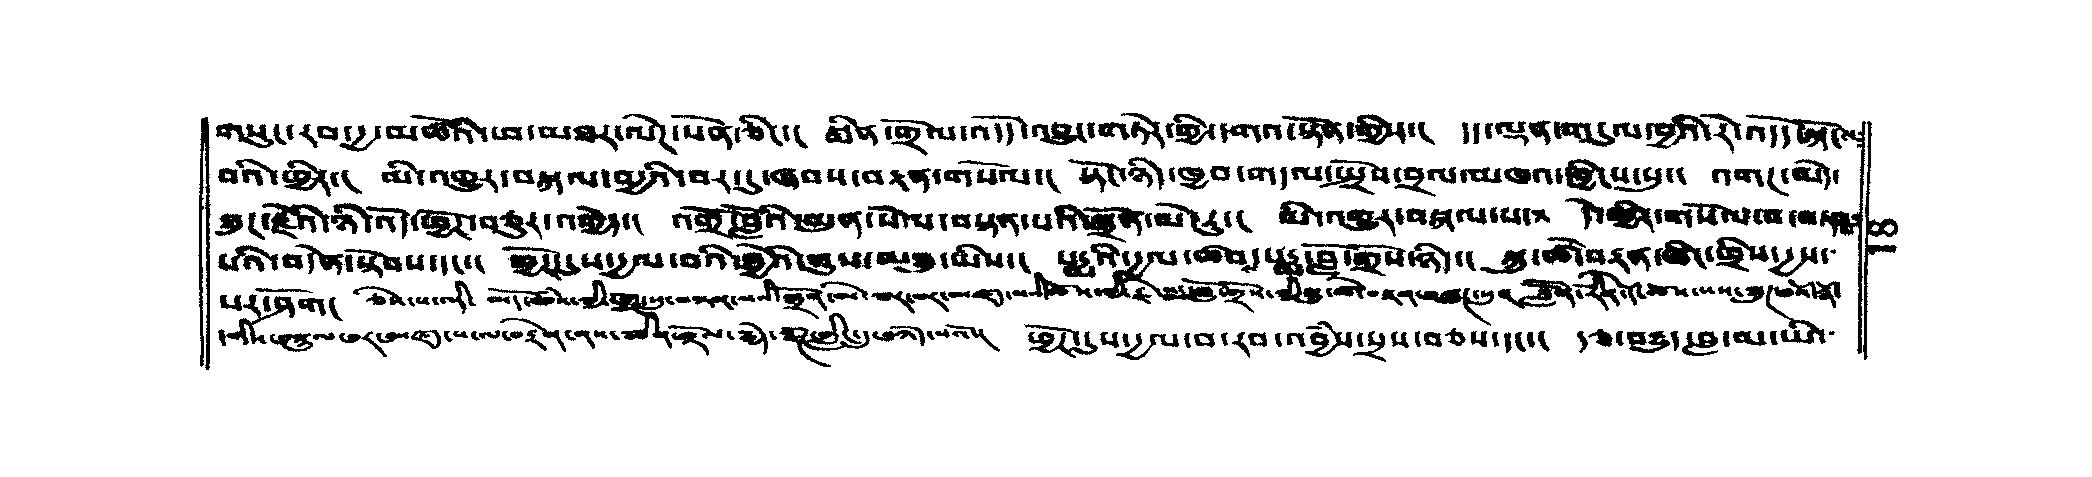།གསུང་རབ་རྒྱ་མཚོའི་ཕ་མཐར་ལེགས་སོན་ཅིང་། །སྨིན་གྲོལ་འདོད་འབྱུང་གཏེར་གྱི་དགའ་སྟོན་གྱིས། །དད་ལྡན་གདུལ་བྱའི་རེ་འདོད་སྐོང་
བའི་ཕྱིར། །མི་འགྱུར་བསྐལ་བརྒྱའི་བར་དུ་ཞབས་བརྟན་གསོལ། །སྟོང་ཉིད་ཁྱབ་གདལ་སྤྲོས་བྲལ་མཁའ་དབྱིངས་སུ། །འགགས་མེད་
ཐུགས་རྗེའི་ཉི་འོད་ཕྱོགས་བཅུར་འགྱེད། །འགྲོ་བློའི་མུན་སེལ་བསྟན་པའི་སྒྲོན་མེ་རུ། །མི་འགྱུར་བསྐལ་པ༴ དེ་ཕྱིར་གསོལ་བ་བཏབ་
པའི་བདེན་སྟོབས་དང་། །ཕྱོགས་དུས་རྒྱལ་བའི་ཐུགས་རྗེའི་ནུས་མཐུ་ཡིས། །པདྨའི་རྒྱལ་ཚབ་པདྨ་བློ་གྲོས་ཉིད། །སྐུ་ཚེ་བརྟན་ཞིང་ཕྲིན་ལས་རྒྱས་
པར་ཤོག། ཅེས་པ་འདི་མདོ་ཁམས་ཀྱི་ཕྱོགས་སུ་བསྟན་པའི་སྒྲོན་མེ་སྦར་བར་མཛད་པའི་ཆོས་ཀྱི་རྗེ་པདྨ་བློ་གྲོས་ཀྱི་སྐུ་ཚེའི་བསྟན་བཞུགས་སུ། སློབ་དཔོན་རིན་པོ་ཆེ་དམ་ཆོས་པས་ཐུགས་བསམ་རྣམ
དག་གིས་བསྐུལ་བར་མཛད་པ་ལ་བརྟེན་ནས་སྨིན་གྲོལ་བསྐྱེད་རྫོགས་གླིང་དུ་བཀོད་པའོ།། ཕྱོགས་དུས་རྒྱལ་བ་རབ་འབྱམས་སྲས་བཅས་དང་། །རྩ་བརྒྱུད་བླ་མ་ཡི་